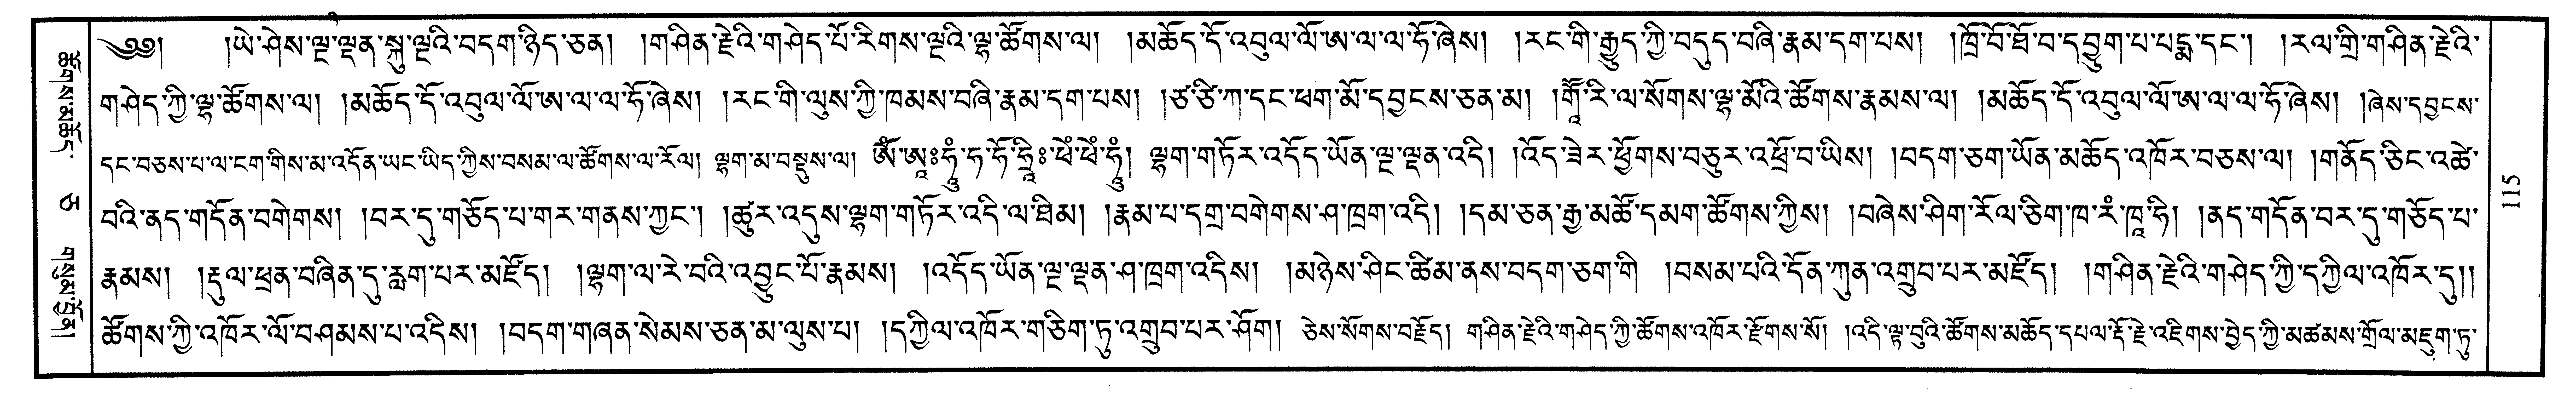༄༅། །ཡེ་ཤེས་ལྔ་ལྡན་སྐུ་ལྔའི་བདག་ཉིད་ཅན། །གཤིན་རྗེའི་གཤེད་པོ་རིགས་ལྔའི་ལྷ་ཚོགས་ལ། །མཆོད་དོ་འབུལ་ལོ་ཨ་ལ་ལ་ཧོ་ཞེས། །རང་གི་རྒྱུད་ཀྱི་བདུད་བཞི་རྣམ་དག་པས། །ཁྲོ་བོ་ཐོ་བ་དབྱུག་པ་པདམ་དང་། །རལ་གྲི་གཤིན་རྗེའི་
གཤེད་ཀྱི་ལྷ་ཚོགས་ལ། །མཆོད་དོ་འབུལ་ལོ་ཨ་ལ་ལ་ཧོ་ཞེས། །རང་གི་ལུས་ཀྱི་ཁམས་བཞི་རྣམ་དག་པས། །ཙ་ཙི་ཀ་དང་ཕག་མོ་དབྱངས་ཅན་མ། །གOཨོ་རི་ལ་སོགས་ལྷ་མོའི་ཚོགས་རྣམས་ལ། །མཆོད་དོ་འབུལ་ལོ་ཨ་ལ་ལ་ཧོ་ཞེས། །ཞེས་དབྱངས་
དང་བཅས་པ་ལ་ངག་གིས་མ་འདོན་ཡང་ཡིད་ཀྱིས་བསམ་ལ་ཚོགས་ལ་རོལ། །ལྷག་མ་བསྡུས་ལ། ཨོཾ་ཨཱཿ ཧཱུཾ་ཧ་ཧོ་ཧྲཱིཿ ཕེཾ་ཕེཾ་ཧཱུཾ། ལྷག་གཏོར་འདོད་ཡོན་ལྔ་ལྡན་འདི། །འོད་ཟེར་ཕྱོགས་བཅུར་འཕྲོ་བ་ཡིས། །བདག་ཅག་ཡོན་མཆོད་འཁོར་བཅས་ལ། །གནོད་ཅིང་འཚེ་
བའི་ནད་གདོན་བགེགས། །བར་དུ་གཅོད་པ་གར་གནས་ཀྱང་། །ཚུར་འདུས་ལྷག་གཏོར་འདི་ལ་ཐིམ། །རྣམ་པ་དགྲ་བགེགས་ཤ་ཁྲག་འདི། །དམ་ཅན་རྒྱ་མཚོ་དམག་ཚོགས་ཀྱིས། །བཞེས་ཤིག་རོལ་ཅིག་ཁ་རཾ་ཁཱ་ཧི། །ནད་གདོན་བར་དུ་གཅོད་པ་
རྣམས། །རྡུལ་ཕྲན་བཞིན་དུ་རླག་པར་མཛོད། །ལྷག་ལ་རེ་བའི་འབྱུང་པོ་རྣམས། །འདོད་ཡོན་ལྔ་ལྡན་ཤ་ཁྲག་འདིས། །མཉེས་ཤིང་ཚིམ་ནས་བདག་ཅག་གི །བསམ་པའི་དོན་ཀུན་འགྲུབ་པར་མཛོད། །གཤིན་རྗེའི་གཤེད་ཀྱི་དཀྱིལ་འཁོར་དུ།།
ཚོགས་ཀྱི་འཁོར་ལོ་བཤམས་པ་འདིས། །བདག་གཞན་སེམས་ཅན་མ་ལུས་པ། །དཀྱིལ་འཁོར་གཅིག་ཏུ་འགྲུབ་པར་ཤོག །ཅེས་སོགས་བརྗོད། གཤིན་རྗེའི་གཤེད་ཀྱི་ཚོགས་འཁོར་རྫོགས་སོ། །འདི་ལྟ་བུའི་ཚོགས་མཆོད་དཔལ་རྡོ་རྗེ་འཇིགས་བྱེད་ཀྱི་མཚམས་གྲོལ་མཇུག་ཏུ་